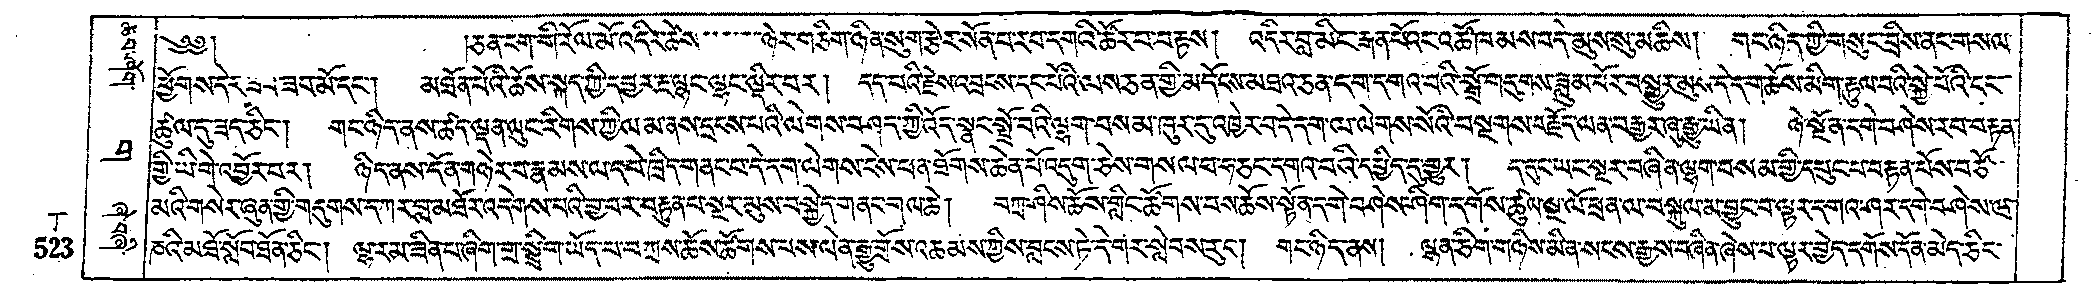༄༅། །ཅན་ངག་གི་རོལ་མོ་འདིར་ཚེས་་་ཉེར་གཅིག་ཉིན་སུག་རྩེར་སོན་པ་རབ་དགའི་ཚོར་བ་བརྟས། འདིར་བླ་མིང་རྒན་པོའང་འཚོ་ཁམས་བདེ་མུས་སུ་མཆིས། གང་ཉིད་ཀྱི་གསུང་བྲིས་ནང་གསལ་
ཕྱོགས་དེར་ཟབ་ཟབ་མོ་དང་། མཐོན་པོའི་ཆོས་སྐད་ཀྱི་དབྱར་རྔ་ལྷང་ལྷང་ལྡིར་བར། དད་པའི་རྗེས་འབྲངས་དང་པོའི་ལས་ཅན་གྱི་མདོངས་མཐའ་ཅན་དག་དགའ་བའི་སྒྲོ་གདུགས་ཟླུམ་པོར་བསྒྱུར་མུས་དེ་དག་ཆོས་མིག་རྟུལ་བའི་སྐྱེ་བོའི་ངང་་་
ཚུལ་དུ་ཟད་ཅིང་། གང་ཉིད་ནས་ཚད་ལྡན་ལུང་རིགས་ཀྱི་ལམ་ནས་དྲངས་པའི་ལེགས་བཤད་ཀྱི་འོད་སྣང་སྤྲོ་བའི་ལྷག་བསམ་ཁུར་དུ་འཁྱེར་བ་དེ་དག་ལ་ལེགས་སོའི་བསྔགས་བརྗོད་ལན་བརྒྱར་ཞུ་རྒྱུ་ཡིན། ཉེ་སྔོན་དགེ་བཤེས་རབ་བརྟན་
གྱི་ཡི་གེ་འབྱོར་བར། ཉིད་ནས་དོན་གཉེར་བ་རྣམས་ལ་དཔེ་ཁྲིད་གནང་བ་དེ་དག་ལེགས་ངེས་ཕན་ཐོགས་ཆེན་པོ་འདུག་ཅེས་གསལ་བ་ཧ་ཅང་དགའ་བའི་དཔྱིད་དུ་གྱུར། ད་དུང་ཡང་སྔར་བཞིན་ལྷག་བསམ་གྱི་དཔུང་བ་བརྟན་པོས་བཙོ་་་
མའི་གསེར་ཞུན་གྱི་གདུགས་དཀར་བླ་མཐོར་འདེགས་པའི་བྱ་བར་བརྟུན་པ་སྔར་མུས་བསྐྱེད་གནང་གལ་ཆེ། བཀྲ་ཤིས་ཆོས་གླིང་ཚོགས་པས་ཆོས་སྟོན་དགེ་བཤེས་ཤིག་དགོས་ཚུལ་སྔ་ལོ་ཕྲན་ལ་བསྐུལ་མ་བྱུང་བ་ལྟར་དགའ་ཤར་དགེ་བཤེས་ཝ་
ཎའི་མཐོ་སློབ་ཐོན་ཅིང་། ལྷ་རམ་ཟིན་པ་ཞིག་གྲ་སྒྲིག་ཡོད་པ་བཀྲས་ཆོས་ཚོགས་པས་ལེན་རྒྱུ་གྲོས་འཆམས་ཀྱིས་བླངས་ཏེ་དེ་གར་སླེབས་རུང་། གང་ཉིད་ནས། ལྷན་ཅིག་གཉིས་མིན་སངས་རྒྱས་བཞིན་ཞེས་པ་ལྟར་བྱེད་དགོས་དོན་མེད་ཅིང་